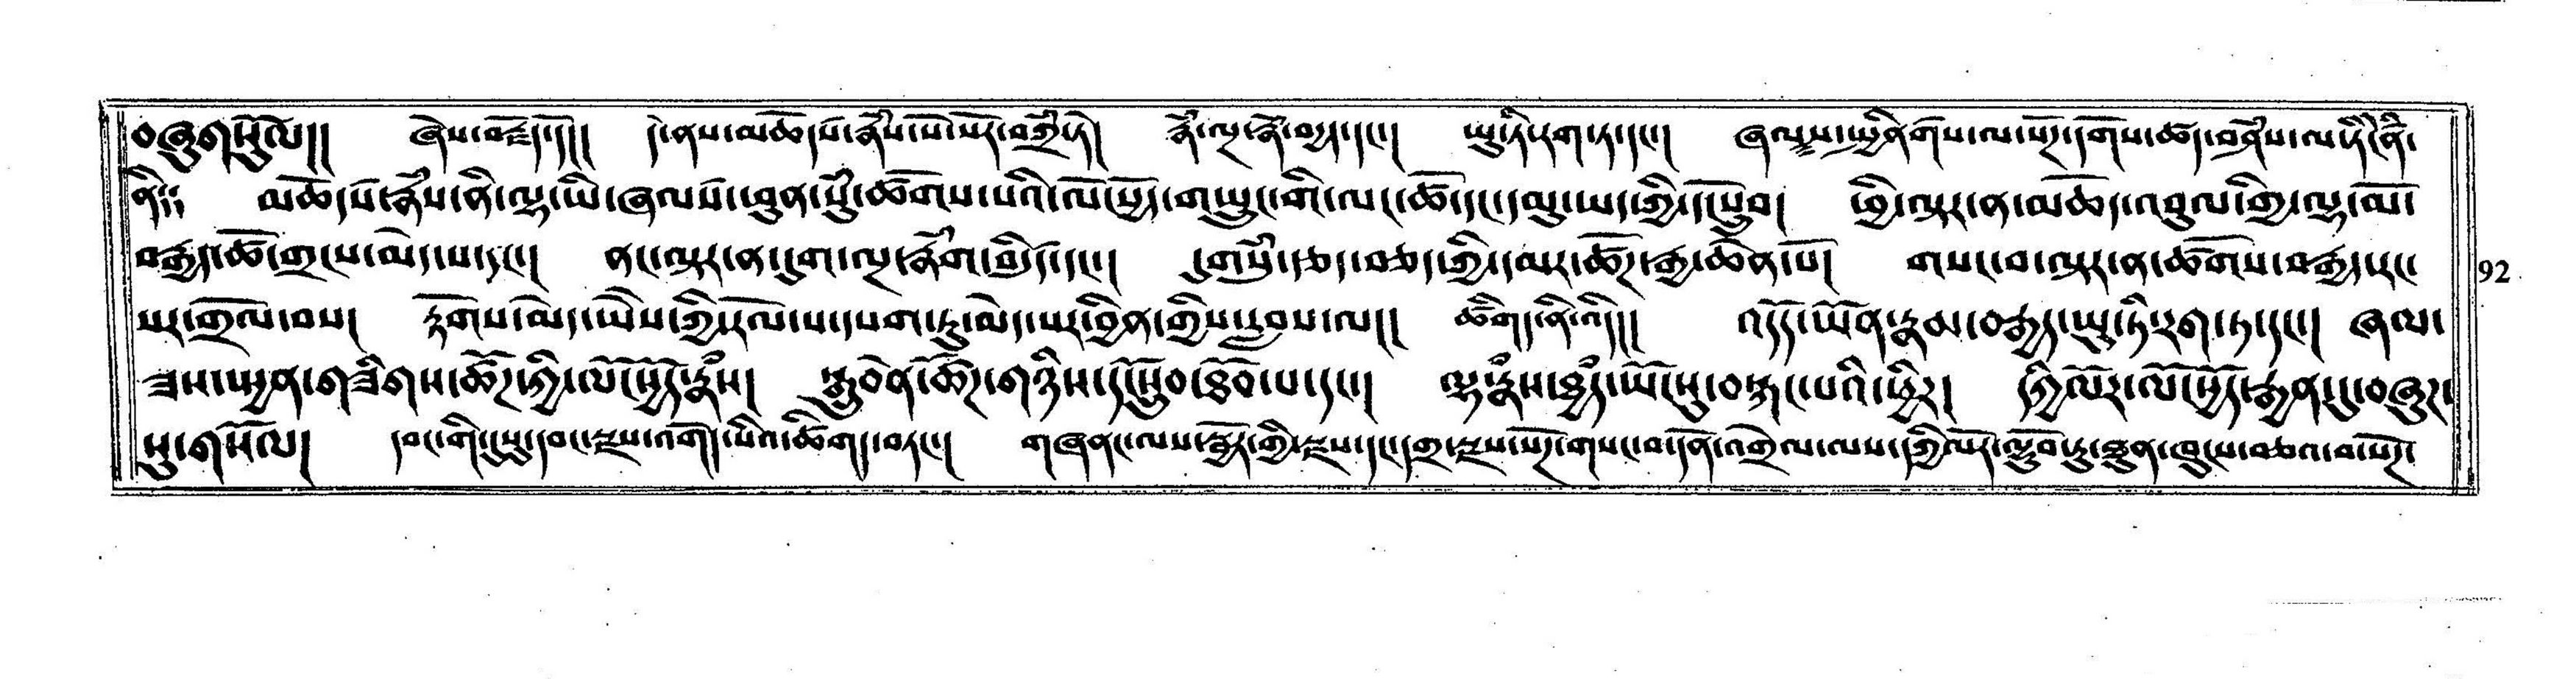བཞུགས་སུ་གསོལ།། ཞེས་བརྗོད་དོ། དེ་ནས་མཆོད་རྫས་རྣམས་སོ་སོར་བཀྲམ་ཏེ། རྣམ་ལྔ་རྣམ་བརྒྱད་དང་། ཡུ་ཏི་རག་ཏ་དང་། ཞལ་ཟས་སྤྱན་གཟིགས་ལ་སོགས་དགོས་ཚད་བཤམས་ལ་ཏིང་ངེ་འཛིན་
ནི། མཆོད་རྫས་རྣམས་ནི་ལྷ་ཡི་ཞལ་ཟས་ཕུན་སུམ་ཚོགས་པའི་ལོངས་སྤྱོད་གཡུང་དྲུང་གི་ལང་ཚོ་དང་དམུ་ཡད་ཀྱི་དངོས་གྲུབ། ཕྱི་ལྟར་ན་མཆོད་འབུལ་གྱི་ལྷ་མོ་
བརྒྱད་ཚོ་གྲངས་མེད་པ་དང་། ནང་ལྟར་ན་དུག་ལྔ་རྣམ་དག་བདུད་རྩི་དང་། དུག་གསུམ་རྩད་བཅད་ཀྱི་དམར་ཚོགས་རྒྱ་ཆེན་པོ། གསང་བ་ལྟར་ན་ཚོགས་བརྒྱད་རང་
སར་གྲོལ་བས། རྟོགས་མེད་ཡེ་ཤེས་ཀྱི་རོལ་པ་དཔག་ཏུ་མེད་པར་བྱིན་གྱིས་བརླབས་ལ།། ཚིག་བཤད་ནི་འདི།། འདོད་ཡོན་རྣམ་བརྒྱད་ཡུ་ཏི་རག་ཏ་དང་། ཞལ་
ཟས་སྤྱན་གཟིགས་ཚོགས་ཀྱི་ལོངས་སྤྱོད་རྣམས། སྒྲུབ་གཤེན་ཚོགས་གཉིས་དངོས་གྲུབ་ཐོབ་པ་དང་། ལྷ་རྣམས་ཐུགས་དམ་ཡོངས་སུ་བསྐང་པའི་ཕྱིར། དཀྱིལ་འཁོར་ལོངས་སྤྱོད་རྒྱན་དུ་བཞུགས་
སུ་གསོལ། དབང་གི་དུས་སུ་དབང་རྫས་འགོད་པའི་ཚིག་བཤད་བཏང་། གཞན་ཡང་ལས་སྦྱོར་གྱི་རྫས་དང་དགྲ་རྫས་སོགས་གསང་བ་དོན་འགྲེལ་ལས་དཀྱིལ་འཁོར་ལྷོ་ནུབ་ཏུ་ཐུན་ཁུངས་བཅའ་བ་སོགས་